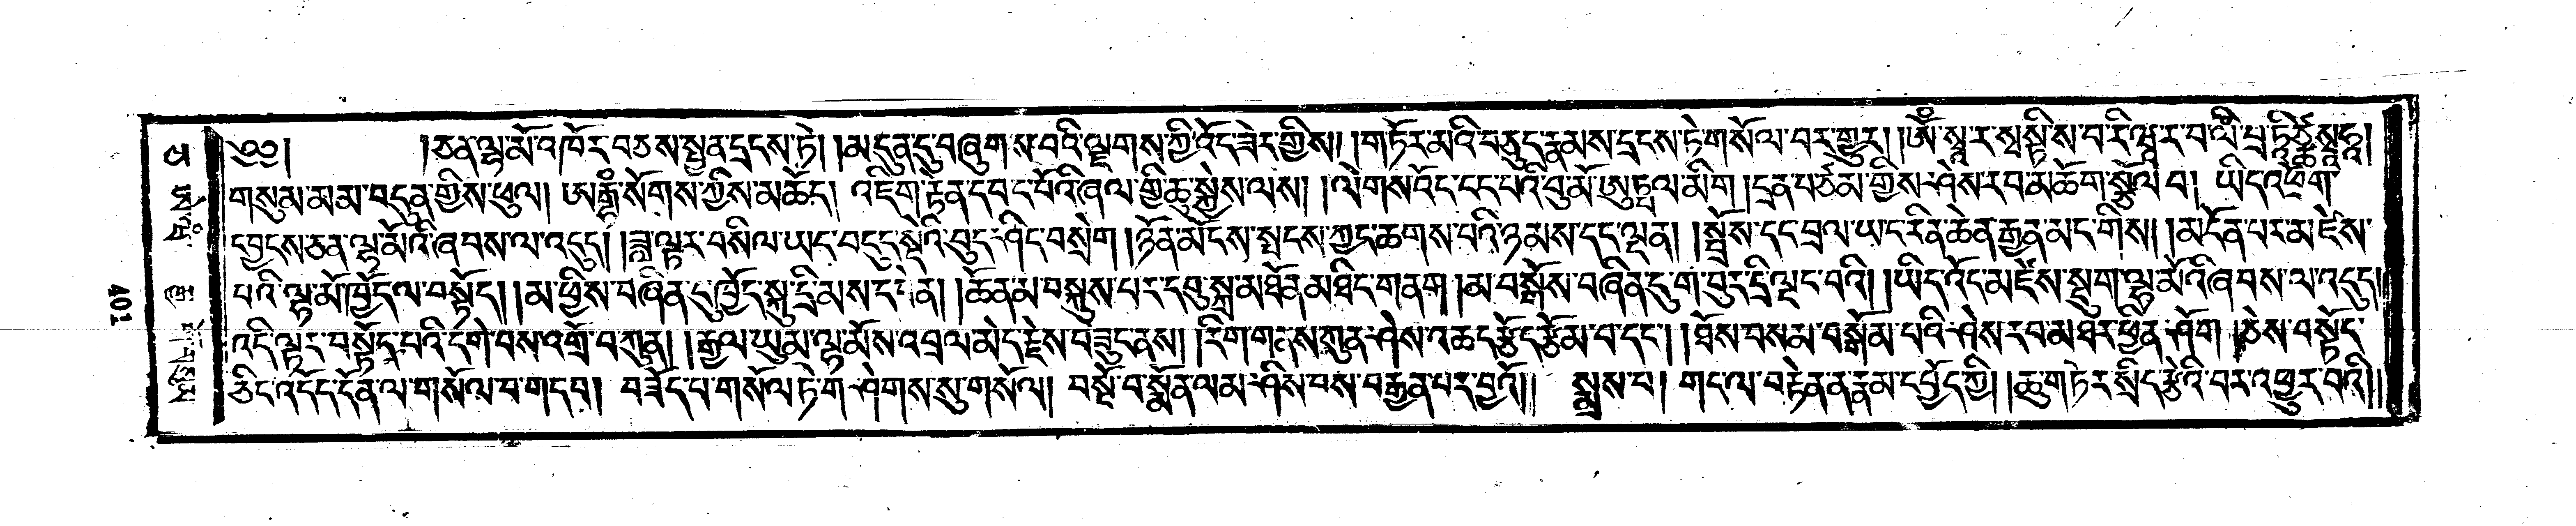༄༅། །ཅན་ལྷ་མོ་འཁོར་བཅས་སྤྱན་དྲངས་ཏེ། །མདུན་དུ་བཞུགས་པའི་ལྗགས་ཀྱི་འོད་ཟེར་གྱིས། །གཏོར་མའི་བཅུད་རྣམས་དྲངས་ཏེ་གསོལ་བར་གྱུར། །ཨོཾ་སྭཱ་ར་སྭསྟི་ས་པ་རི་ཝ་ར་བ་ལིཾ་པྲ་ཏཱི་ཙྪ་སྭཱཧཱ།
གསུམ་མམ་བདུན་གྱིས་ཕུལ། ཨརྒྷཾ་སོགས་ཀྱིས་མཆོད། འཇིག་རྟེན་དབང་པོའི་ཞལ་གྱི་ཆུ་སྐྱེས་ལས། །ལེགས་འོང་ངང་པའི་བུ་མོ་ཨུཏྤལ་མིག །དྲན་པ་ཙམ་གྱིས་ཤེས་རབ་མཆོག་སྩོལ་བ། ཡིད་འཕྲོག་
དབྱངས་ཅན་ལྷ་མོའི་ཞབས་ལ་འདུད། །ཟླ་ལྟར་བསིལ་ཡང་བདུད་སྡེའི་བུད་ཤིང་བསྲེག །ཉོན་མོངས་སྤངས་ཀྱང་ཆགས་པའི་ཉམས་དང་ལྡན། །སྤྲོས་དང་བྲལ་ཡང་རིན་ཆེན་རྒྱན་མང་གིས། །མངོན་པར་མཛེས་
པའི་ལྷ་མོ་ཁྱོད་ལ་བསྟོད། །མ་ཕྱིས་བཞིན་དུ་ཁྱོད་སྐུ་དྲི་མས་དབེན། །ཚོན་མ་བསྐུས་པར་དབུ་སྐྲ་མཐོན་མཐིང་གནག །མ་བསྒོས་བཞིན་དུ་ག་བུར་དྲི་ལྡང་བའི། །ཡིད་འོང་མཛེས་སྡུག་ལྷ་མོའི་ཞབས་ལ་འདུད།།
འདི་ལྟར་བསྟོད་པའི་དགེ་བས་འགྲོ་བ་ཀུན། །རྒྱལ་ཡུམ་ལྷ་མོས་འབྲལ་མེད་རྗེས་བཟུང་ནས། །རིག་གནས་ཀུན་ཤེས་འཆད་རྩོད་རྩོམ་པ་དང་། །ཐོས་བསམ་བསྒོམ་པའི་ཤེས་རབ་མཐར་ཕྱིན་ཤོག །ཅེས་བསྟོད་
ཅིང་འདོད་དོན་ལ་གསོལ་བ་གདབ། བཟོད་པ་གསོལ་ཏེ་གཤེགས་སུ་གསོལ། བསྔོ་བ་སྨོན་ལམ་ཤིས་པས་བརྒྱན་པར་བྱའོ།། སྨྲས་པ། གང་ལ་བརྟེན་ན་རྣམ་དཔྱོད་ཀྱི། །ཆུ་གཏེར་སྲིད་རྩེའི་བར་འཕྱུར་བའི།།